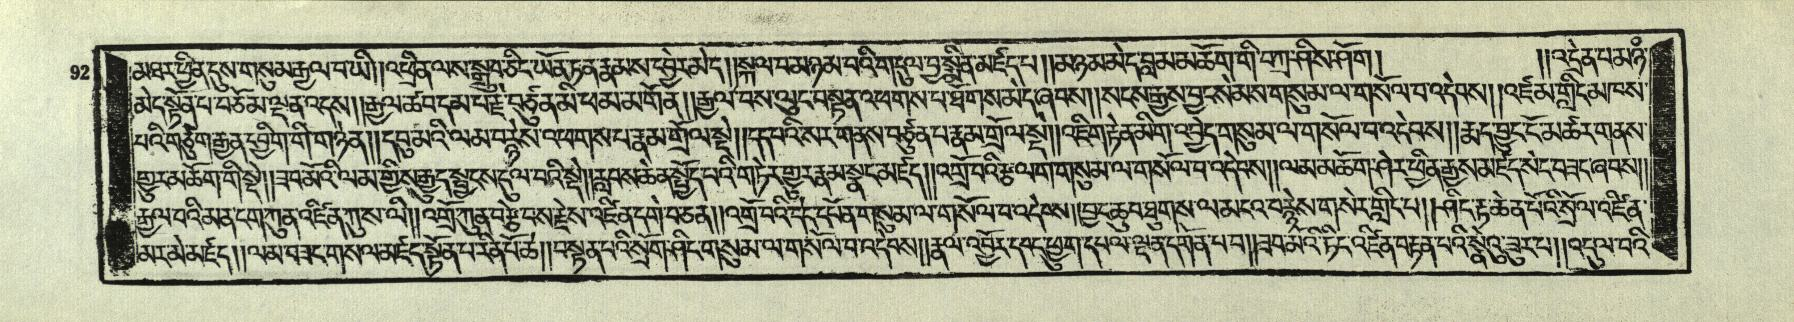མཐར་ཕྱིན་དུས་གསུམ་རྒྱལ་བ་ཡི། །འཕྲིན་ལས་སྒྲུབ་ཅིང་ཡོན་ཏན་རྣམས་དབྱེར་མེད། །སྐལ་བ་མཉམ་བའི་གདུལ་བྱ་སྨིན་མཛད་པ། །མཉམ་མེད་བླ་མ་མཆོག་གི་བཀྲ་ཤིས་ཤོག། །།འདྲེན་པ་མཉཾ་
མེད་སྟོན་པ་བཅོམ་ལྡན་འདས། །རྒྱལ་ཚབ་དམ་པ་རྗེ་བཙུན་མི་ཕམ་མགོན། །རྒྱལ་བས་ལུང་བསྟན་འཕགས་པ་ཐོགས་མེད་ཞབས། །སངས་རྒྱས་བྱང་སེམས་གསུམ་ལ་གསོལ་བ་འདེབས། །འཛམ་གླིང་མཁས་
པའི་གཙུག་རྒྱན་དབྱིག་གི་གཉེན། །དབུ་མའི་ལམ་བརྙེས་འཕགས་པ་རྣམ་གྲོལ་སྡེ། །དད་པའི་སར་གནས་བཙུན་པ་རྣམ་གྲོལ་སྡེ། །འཇིག་རྟེན་མིག་འབྱེད་གསུམ་ལ་གསོལ་བ་འདེབས། །རྨད་བྱུང་ངོ་མཚར་གནས་
གྱུར་མཆོག་གི་སྡེ། །ཟབ་མོའི་ལམ་གྱིས་རྒྱུད་སྦྱངས་དུལ་བའི་སྡེ། །རླབས་ཆེན་སྤྱོད་པའི་གཏེར་གྱུར་རྣམ་སྣང་མཛད། །འགྲོ་བའི་རྩ་ལག་གསུམ་ལ་གསོལ་བ་འདེབས། །ལམ་མཆོག་ཤེར་ཕྱིན་རྒྱས་མཛད་སེང་བཟང་ཞབས།།
རྒྱལ་བའི་མན་ངག་ཀུན་འཛིན་ཀུ་ས་ལི། །འགྲོ་ཀུན་བརྩེ་བས་རྗེས་འཛིན་དགེ་བ་ཅན། །འགྲོ་བའི་དད་དཔོན་གསུམ་ལ་གསོལ་བ་འདེབས། །བྱང་ཆུབ་ཐུགས་ལ་མངའ་བརྙེས་གསེར་གླིང་པ། །ཤིང་རྟ་ཆེན་པོའི་སྲོལ་འཛིན་
མར་མེ་མཛད། །ལམ་བཟང་གསལ་མཛད་སྟོན་པ་རིན་པོ་ཆེ། །བསྟན་པའི་སྲོག་ཤིང་གསུམ་ལ་གསོལ་བ་འདེབས། །རྣལ་འབྱོར་དབང་ཕྱུག་དཔལ་ལྡན་དགོན་པ་བ། །ཟབ་མོའི་ཏིང་འཛིན་བརྟན་པའི་སྣེའུ་ཟུར་པ། །འདུལ་བའི་